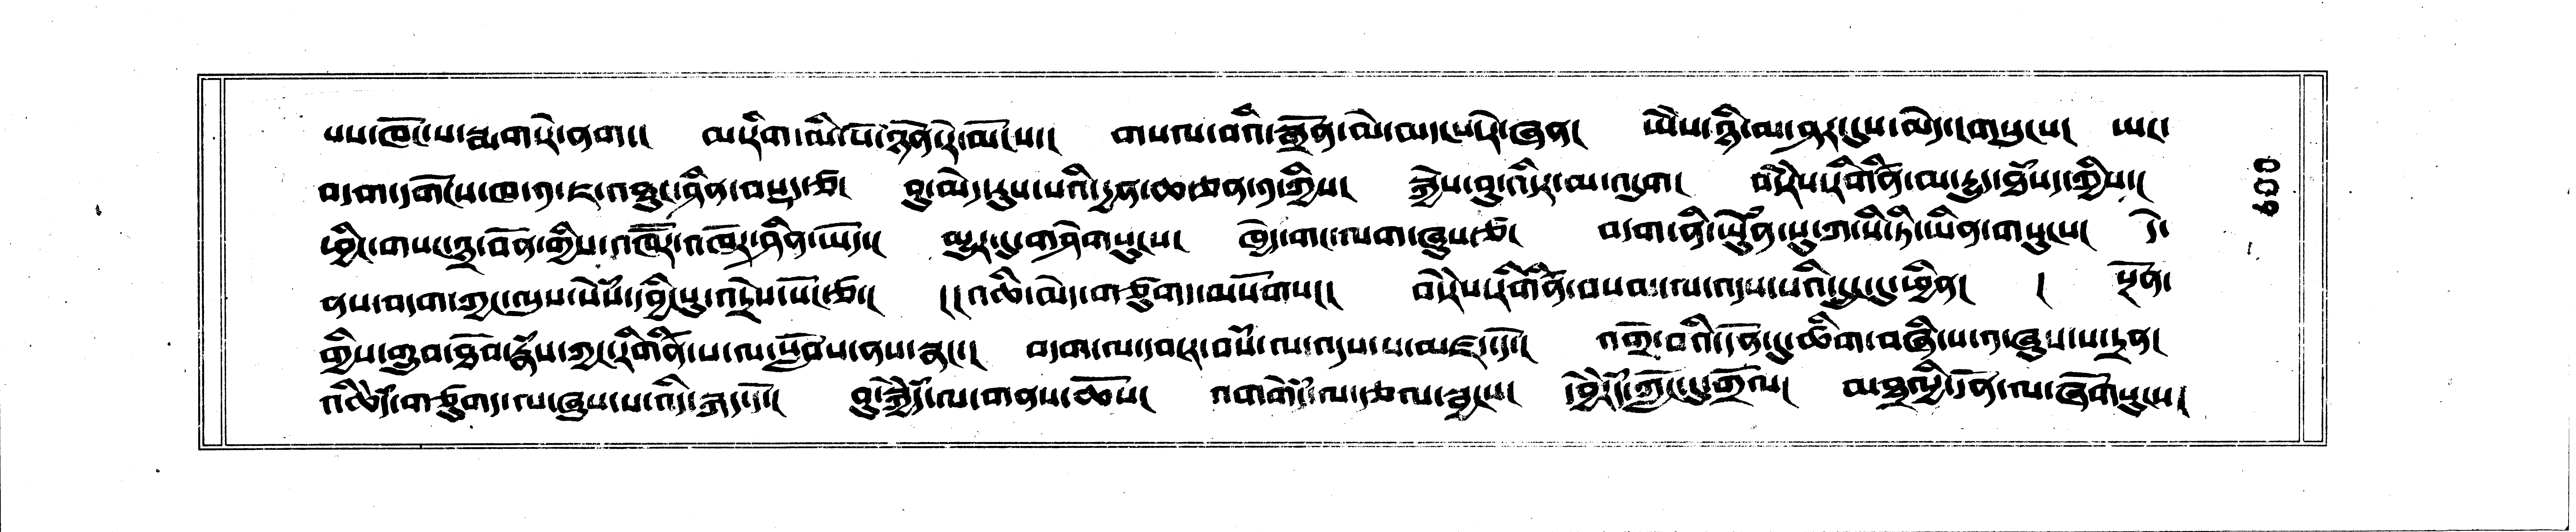ཁང་བུ་སྨྲག་རེ་ནག། མ་རིག་གི་མི་ཕོ་ཉོན་རེ་མོངས། གསལ་བའི་སྒྲོན་མེ་མདངས་རེ་ཞན། ཡེ་ཤེས་ཀྱི་ཉི་མ་འཆར་དུས་མེད་གསུངས། ཡང་
རྒོང་ཀ་གཅིག་ཇ་འཐུང་སིན་བསྡད་ཙ། བུ་མེད་རུས་པའི་རྒྱན་ཆ་ཅན་གཅིག་གིས། སྐྱེས་བུ་འདིར་མ་འདུག བདེར་གཤེགས་རིག་འཛིན་མ་རྒྱུད་ཐམས་ཅད། 
ཕྱི་ནང་གསང་གསུམ་བོན་གྱི་འཁོར་ལོ་བསྐོར་ཞིང་ཡོད་མྱུར་དུ་ཤོག་གསུངས། ཁྱེད་གང་ལགས་ཞུས་ཙ། བདག་ནི་སུ་ཀ་སི་ཏི་ཡིན་གསུངས། དེ་
ནས་བདག་ཀྱང་ལུས་སེམས་དབྱིངས་སུ་འདྲེན་ནས་སོང་ཙ། འཆི་མེད་གཙུག་ཕུད་ལ་སོགས་ཏེ། བདེར་གཤེགས་རིག་འཛིན་བསམ་ལས་འདས་པའི་དྲུང་དུ་ཕྱིན། སྔོན་
གྱིས་གྲུབ་ཐོབ་ཐམས་ཅད་རྣམས་ཀྱང་རིག་འཛིན་ས་ལ་སླེབ་ནས་སྣང་། བདག་ལ་དབང་སྐུར་བསམ་འདས་མཛད། འགྲོ་བའི་དོན་དུ་ཚིགས་བཞི་པ་རེ་ཞུ་བ་དྲན། 
འཆི་མེད་གཙུག་ཕུད་ལ་ཞུས་ཙ་འདི་སྐད་གསུངས། བུ་སྐྱེ་མེད་ལ་གནས་ཆོས། འགག་མེད་ལ་རྩལ་སྦྱོངས། བྱར་མེད་ཀློང་དུ་ཁྲོལ། མཐའ་བྲལ་གྱི་དོན་ལ་ཞོག་གསུངས། །